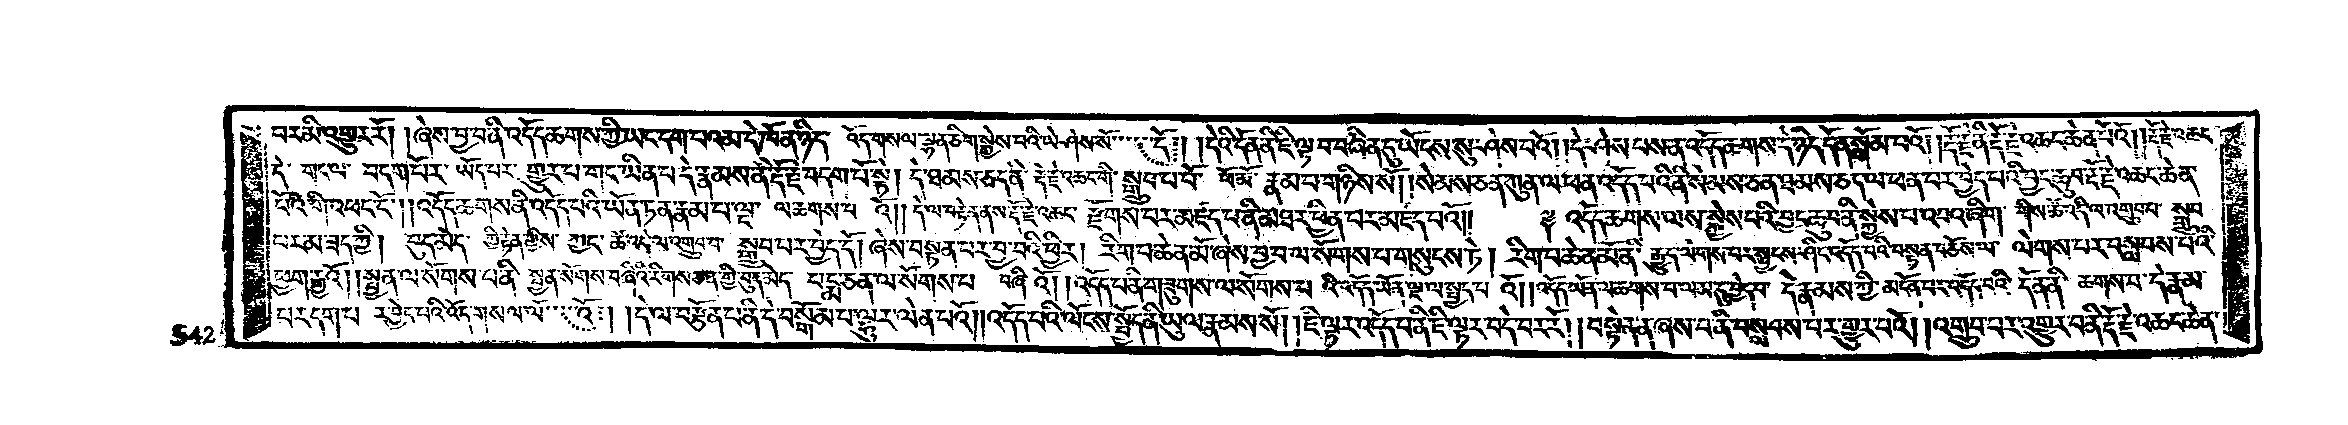པར་མི་འགྱུར་རོ། །ཞེས་བྱ་བ་ནི་འདོད་ཆགས་ཀྱི་ཡང་དག་པའམ་དེ་ཁོ་ན་ཉིད་འོད་གསལ་ལྷན་ཅིག་སྐྱེས་པའི་ཡེ་ཤེས་སོ་དོ། །དེའི་དོན་ནི་ཇི་ལྟ་བ་བཞིན་དུ་ཡོངས་སུ་ཤེས་པའོ། །དེ་ཤེས་པས་ན་འདོད་ཆགས་དེ་ཉིད་དོན་སྒོམ་པའོ། །རྡོ་རྗེ་ནི་རྡོ་རྗེ་འཆང་ཆེན་པོའོ། །རྡོ་རྗེ་འཆང་
དེ་གང་ལ་བདག་པོར་ཡོད་པར་གྱུར་པ་གང་ཡིན་པ་དེ་རྣམས་ནི་རྡོ་རྗེ་བདག་པོ་སྟེ། དེ་ཐམས་ཅད་ནི་རྡོ་རྗེ་འཆང་གི་སྒྲུབ་པ་པོ་ཕོ་མོ་རྣམ་པ་གཉིས་སོ། །སེམས་ཅན་ཀུན་ལ་ཕན་འདོད་པའི་ནི་སེམས་ཅན་ཐམས་ཅད་ལ་ཕན་པར་བྱེད་པའི་བྱང་ཆུབ་རྡོ་རྗེ་འཆང་ཆེན་
པོའི་གོ་འཕང་ངོ། །འདོད་ཆགས་ནི་འདོད་པའི་ཡོན་ཏན་རྣམ་པ་ལྔ་ལ་ཆགས་པའོ། །དེ་ལ་བརྟེན་ནས་རྡོ་རྗེ་འཆང་རྫོགས་པར་མཛད་པ་ནི་མཐར་ཕྱིན་པར་མཛད་པའོ།། ༈ འདོད་ཆགས་ལས་སྐྱེས་པའི་བྱང་ཆུབ་ནི་སྐྱེས་པ་འབའ་ཞིག་གིས་ཚེ་འདི་ལ་འགྲུབ་པ་སྒྲུབ་
པར་མ་ཟད་ཀྱི། བུད་མེད་ཀྱི་རྟེན་གྱིས་ཀྱང་ཚེ་འདི་ལ་འགྲུབ་པ་སྒྲུབ་པར་བྱེད་དོ། ཞེས་བསྟན་པར་བྱ་བའི་ཕྱིར། རིག་པ་ཆེན་མོ་ཞེས་བྱ་བ་ལ་སོགས་པ་གསུངས་ཏེ། རིག་པ་ཆེན་མོ་ནི་རྒྱུད་ལེགས་པར་སྦྱངས་ཤིང་འདོད་པའི་བསྟན་བཅོས་ལ་ལེགས་པར་བསླབས་པའི་
ཕྱག་རྒྱའོ། །སྤྱན་ལ་སོགས་པ་ནི་སྤྱན་སོགས་བཞིའི་རིགས་ཅན་གྱི་བུད་མེད་པདམ་ཅན་ལ་སོགས་པ་བཞིའོ། །འདོད་པ་ནི་གཟུགས་ལ་སོགས་པའི་འདོད་ཡོན་ལྔ་ལ་སྤྱད་པའོ། །འདོད་ཡོན་ལ་ཆགས་པ་ལམ་དུ་བྱེད་པ་དེ་རྣམས་ཀྱི་མངོན་པར་འདོད་པའི་དོན་ནི་ཆགས་པ་དེ་རྣམ་
པར་དག་པར་བྱེད་པའི་འོད་གསལ་ལོའོ། །དེ་ལ་བརྩོན་པ་ནི་དེ་བསྒོམ་པ་ལྷུར་ལེན་པའོ། །འདོད་པའི་ལོངས་སྤྱོད་ནི་ཡུལ་རྣམས་སོ། །ཇི་ལྟར་འདོད་པ་ནི་ཇི་ལྟར་བདེ་བར་རོ། །བསྟེན་ན་ཞས་པ་ནི་བསླབས་པར་གྱུར་པའོ། །འགྲུབ་པར་འགྱུར་བ་ནི་རྡོ་རྗེ་འཆང་ཆེན་